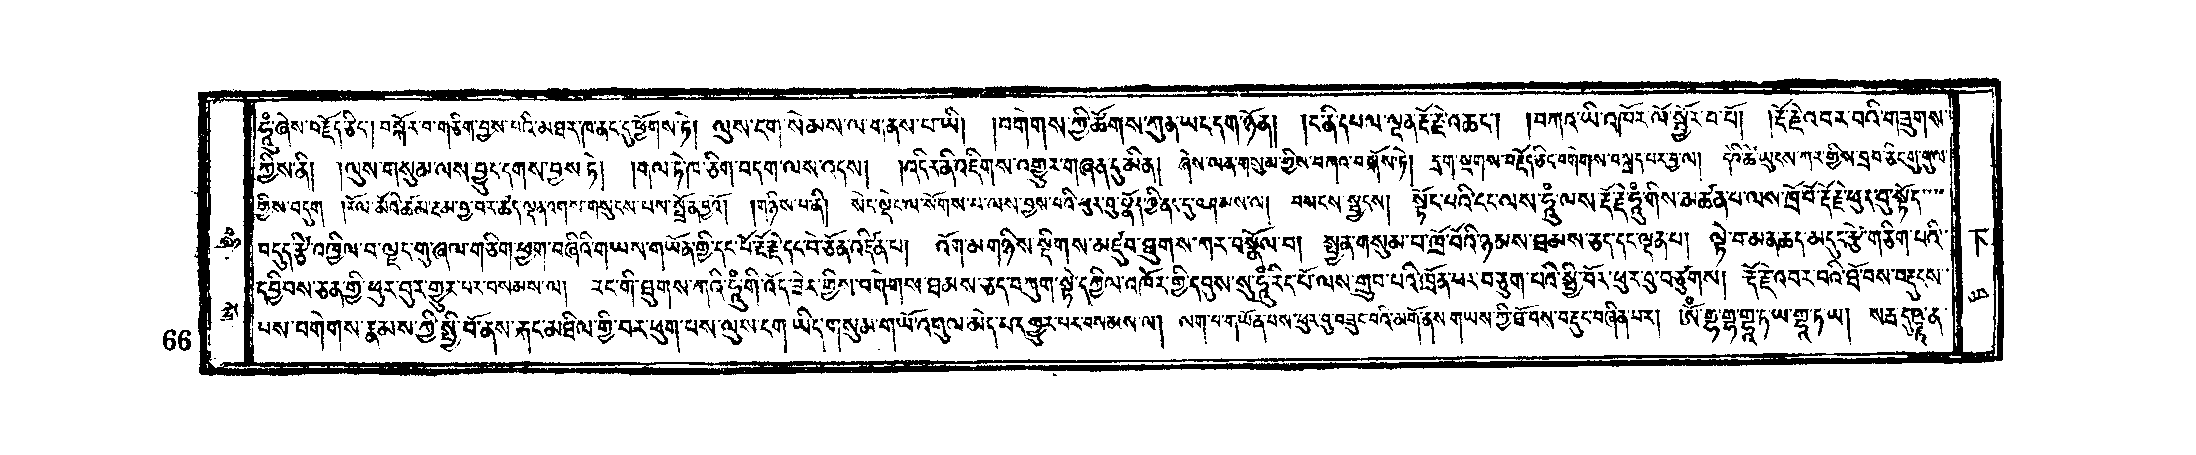ཧཱུཾ་ཞེས་བརྗོད་ཅིང་། བསྐོར་བ་གཅིག་བྱས་པའི་མཐར་ཁ་ནང་དུ་ཕྱོགས་ཏེ། ལུས་ངག་སེམས་ལ་གནས་པ་ཡི། །བགེགས་ཀྱི་ཚོགས་ཀུན་ཡང་དག་ཉོན། །ང་ནི་དཔལ་ལྡན་རྡོ་རྗེ་འཆང་། །བཀའ་ཡི་འཁོར་ལོ་སྦྱོར་བ་པོ། །རྡོ་རྗེ་འབར་བའི་གཟུགས་
ཀྱིས་ནི། །ལུས་གསུམ་ལས་བྱུང་དགས་བྱས་ཏེ། །གལ་ཏེ་ཁ་ཅིག་བདག་ལས་འདས། །འདིར་ནི་འཇིགས་འགྱུར་གཞན་དུ་མིན། ཞེས་ལན་གསུམ་གྱིས་བཀའ་བསྐོས་ཏེ། དྲག་སྔགས་བརྗོད་ཅིང་བགེགས་བསྐྲད་པར་བྱ་ལ། དེའི་ཚེ་ཡུངས་ཀར་གྱིས་བྲབ་ཅིང་གུ་གུལ་
གྱིས་བདུག །རོལ་མོའི་ཚམ་རྔམ་བྱ་བར་ཚད་ལྡན་འགས་གསུངས་པས་སྤྲོ་ན་བྱའོ། །གཉིས་པ་ནི། སེང་ལྡེང་ལ་སོགས་པ་ལས་བྱས་པའི་ཕུར་བུ་སྣོད་ཀྱི་ནང་དུ་བཤམས་ལ། བསངས་སྦྱངས། སྟོང་པའི་ངང་ལས་ཧཱུཾ་ལས་རྡོ་རྗེ་ཧཱུཾ་གིས་མཚན་པ་ལས་ཁྲོ་བོ་རྡོ་རྗེ་ཕུར་བུ་སྟོད་
བདུད་རྩི་འཁྱིལ་བ་ལྗང་གུ་ཞལ་གཅིག་ཕྱག་བཞིའི་གཡས་གཡོན་གྱི་དང་པོ་རྡོ་རྗེ་དང་བེ་ཅོན་འཛིན་པ། འོག་མ་གཉིས་སྡིགས་མཛུབ་ཐུགས་ཀར་བསྣོལ་བ། སྤྱན་གསུམ་པ་ཁྲོ་བོའི་ཉམས་ཐམས་ཅད་དང་ལྡན་པ། ལྟེ་བ་མན་ཆད་མདུང་རྩེ་གཅིག་པའི་
དབྱིབས་ཅན་གྱི་ཕུར་བུར་གྱུར་པར་བསམས་ལ། རང་གི་ཐུགས་ཀའི་ཧཱུཾ་གི་འོད་ཟེར་གྱིས་བགེགས་ཐམས་ཅད་བཀུག་སྟེ་དཀྱིལ་འཁོར་གྱི་དབུས་སུ་ཧཱུཾ་རིང་པོ་ལས་གྲུབ་པའི་ཁྲོན་པར་བཅུག་པའི་སྤྱི་བོར་ཕུར་བུ་བཙུགས། རྡོ་རྗེ་འབར་བའི་ཐོ་བས་བརྡུངས་
པས་བགེགས་རྣམས་ཀྱི་སྤྱི་བོ་ནས་རྐང་མཐིལ་གྱི་བར་ཕུག་པས་ལུས་ངག་ཡིད་གསུམ་གཡོ་འགུལ་མེད་པར་གྱུར་པར་བསམས་ལ། ལག་པ་གཡོན་པས་ཕུར་བུ་བཟུང་བའི་མགོ་ནས་གཡས་ཀྱི་ཐོ་བས་བརྡུང་བཞིན་པར། ཨོཾ་གྷ་གྷ་གྷཱ་ཏ་ཡ་གྷཱ་ཏ་ཡ། སརྦ་དུཥྜཱ་ན་